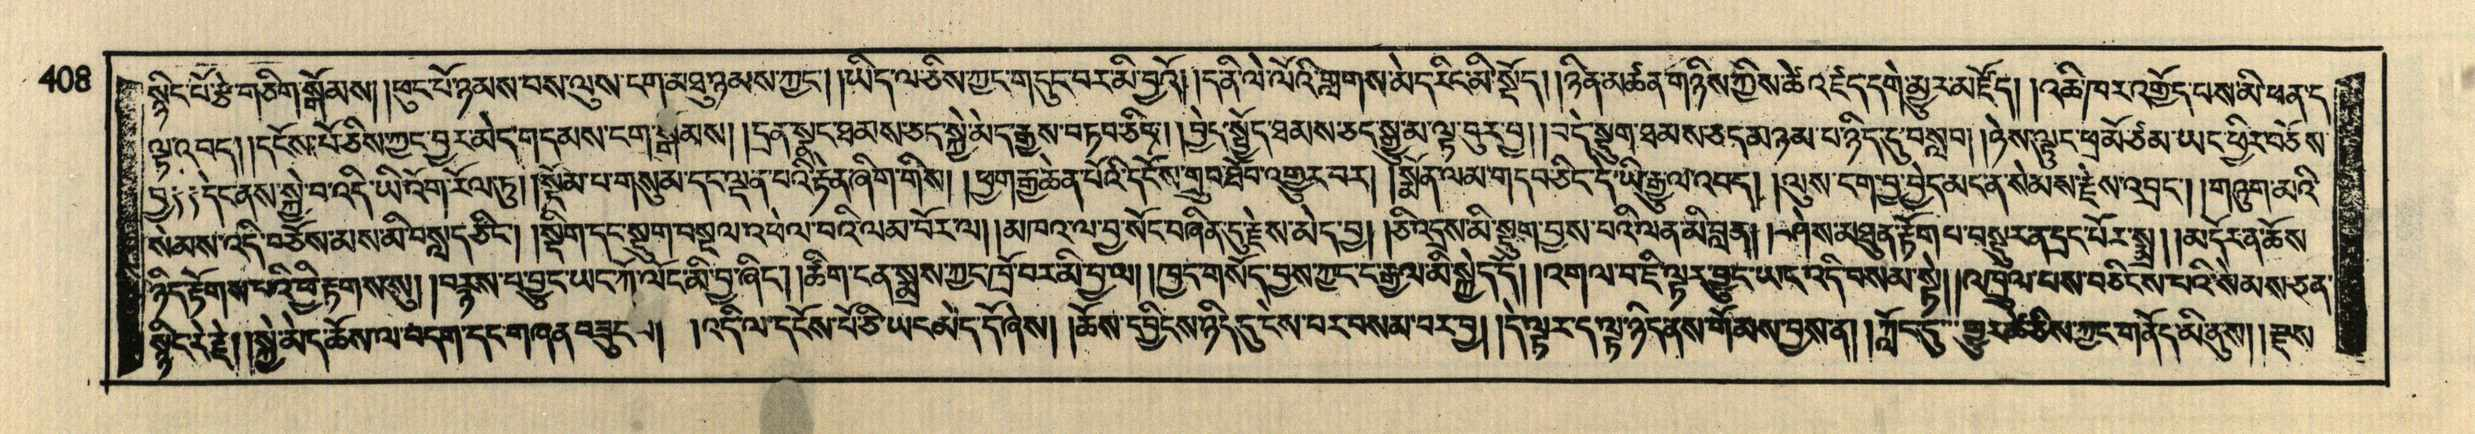སྙིང་པོ་རྩེ་གཅིག་སྒོམས། །ཕུང་པོ་ཉམས་བས་ལུས་ངག་མཐུ་ཉམས་ཀྱང་། །ཡིད་ལ་ཅིས་ཀྱང་གདུང་བར་མི་བྱའོ། །ད་ནི་ལེ་ལོའི་གླགས་མེད་རིང་མི་སྡོད། །ཉིན་མཚན་གཉིས་ཀྱིས་ཚེ་འཛད་དགེ་མྱུར་མཛོད། །འཆི་ཁར་འགྱོད་པས་མི་ཕན་ད་
ལྟ་འབད། །དངོས་པོ་ཅིས་ཀྱང་བྱར་མེད་གདམས་ངག་སྒོམས། །དྲན་སྣང་ཐམས་ཅད་སྐྱེ་མེད་རྒྱས་བཏབ་ཅིང་། །བྱེད་སྤྱོད་ཐམས་ཅད་སྒྱུ་མ་ལྟ་བུར་བྱ། །བདེ་སྡུག་ཐམས་ཅད་མཉམ་པ་ཉིད་དུ་བསླབ། །ཉེས་ལྟུང་ཕྲ་མོ་ཙམ་ཡང་ཕྱིར་བཅོས་
བྱ༑ ༑དེང་ནས་སྐྱེ་བ་འདི་ཡི་འོག་རོལ་ཏུ། །སྡོམ་པ་གསུམ་དང་ལྡན་པའི་རྟེན་ཞིག་གིས། །ཕྱག་རྒྱ་ཆེན་པོའི་དངོས་གྲུབ་ཐོབ་འགྱུར་བར། །སྨོན་ལམ་གདབ་ཅིང་དེ་ཡི་རྒྱུ་ལ་འབད། །ལུས་ངག་བྱ་བྱེད་མང་ན་སེམས་རྗེས་འབྲང་། །གཉུག་མའི་
སེམས་འདི་བཅོས་མས་མི་བསླད་ཅིང་། །སྡིག་དང་སྡུག་བསྔལ་འཕེལ་བའི་ལམ་བོར་ལ། །མཁའ་ལ་བྱ་སོང་བཞིན་དུ་རྗེས་མེད་བྱ། །ཅི་འདྲས་མི་སྡུག་བྱས་པའི་ལན་མི་བླན། །ཤེས་མཐུན་རྟོག་པ་བསྡུར་ན་དྲང་པོར་སྨྲ། །མདོར་ན་ཆོས་
ཉིད་རྟོགས་པའི་ཕྱི་རྟགས་སུ། །བརྙས་པ་བྱུང་ཡང་ཀོ་ལོང་མི་བྱ་ཞིང་། །ཚིག་ངན་སྨྲས་ཀྱང་ཁྲོ་བར་མི་བྱ་ལ། །ཁྱད་གསོད་བྱས་ཀྱང་ང་རྒྱལ་མི་སྐྱེད་དོ། །འགལ་བ་ཇི་ལྟར་བྱུང་ཡང་འདི་བསམ་སྟེ། །འཁྲུལ་པས་བཅིངས་པའི་སེམས་ཅན་
སྙིང་རེ་རྗེ། །སྐྱེ་མེད་ཆོས་ལ་བདག་དང་གཞན་བཟུང་བ། །འདི་ལ་དངོས་པོ་ཅི་ཡང་མེད་དོ་ཞེས། །ཆོས་དབྱིངས་ཉིད་དུ་ངེས་བར་བསམ་པར་བྱ། །དེ་ལྟར་ད་ལྟར་ཉིད་ནས་གོམས་བྱས་ན། །ཀློང་དུ་གྱུར་ཚེ་ཅིས་ཀྱང་གནོད་མི་ནུས། །རྫས་